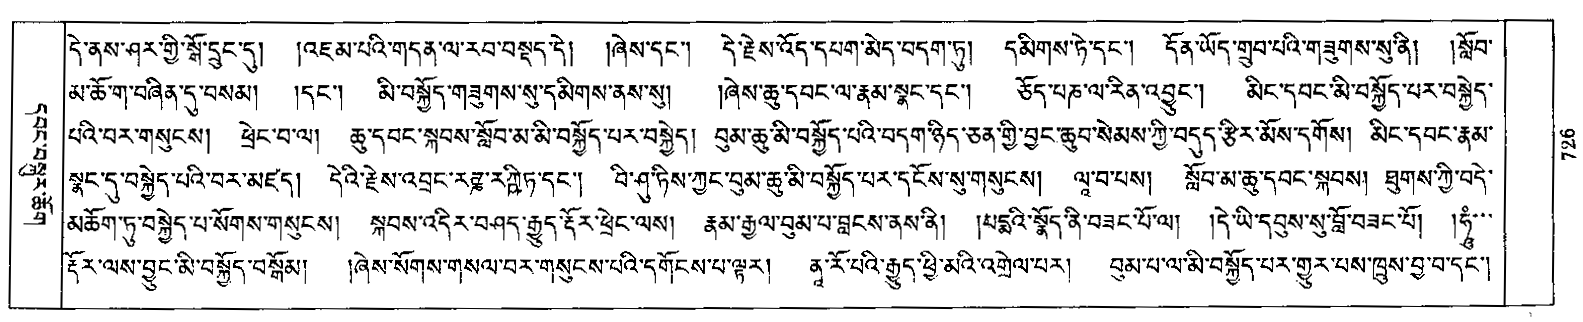དེ་ནས་ཤར་གྱི་སྒོ་དྲུང་དུ། །འཇམ་པའི་གདན་ལ་རབ་བསྡད་དེ། །ཞེས་དང་། དེ་རྗེས་འོད་དཔག་མེད་བདག་ཏུ། དམིགས་ཏེ་དང་། དོན་ཡོད་གྲུབ་པའི་གཟུགས་སུ་ནི། །སློབ་
མ་ཆོ་ག་བཞིན་དུ་བསམ། །དང་། མི་བསྐྱོད་གཟུགས་སུ་དམིགས་ནས་སུ། །ཞེས་ཆུ་དབང་ལ་རྣམ་སྣང་དང་། ཅོད་པཎ་ལ་རིན་འབྱུང་། མིང་དབང་མི་བསྐྱོད་པར་བསྐྱེད་
པའི་བར་གསུངས། ཕྲེང་བ་ལ། ཆུ་དབང་སྐབས་སློབ་མ་མི་བསྐྱོད་པར་བསྐྱེད། བུམ་ཆུ་མི་བསྐྱོད་པའི་བདག་ཉིད་ཅན་གྱི་བྱང་ཆུབ་སེམས་ཀྱི་བདུད་རྩིར་མོས་དགོས། མིང་དབང་རྣམ་
སྣང་དུ་བསྐྱེད་པའི་བར་མཛད། དེའི་རྗེས་འབྲང་རཊྞ་རཀྵི་ཏ་དང་། བི་ཤུ་ཏིས་ཀྱང་བུམ་ཆུ་མི་བསྐྱོད་པར་དངོས་སུ་གསུངས། ལཱ་བ་པས། སློབ་མ་ཆུ་དབང་སྐབས། ཐུགས་ཀྱི་བདེ་
མཆོག་ཏུ་བསྐྱེད་པ་སོགས་གསུངས། སྐབས་འདིར་བཤད་རྒྱུད་རྡོར་ཕྲེང་ལས། རྣམ་རྒྱལ་བུམ་པ་བླངས་ནས་ནི། །པདམའི་སྣོད་ནི་བཟང་པོ་ལ། །དེ་ཡི་དབུས་སུ་བློ་བཟང་པོ། །ཧཱུཾ་
རྡོར་ལས་བྱུང་མི་བསྐྱོད་བསྒོམ། །ཞེས་སོགས་གསལ་བར་གསུངས་པའི་དགོངས་པ་ལྟར། ནཱ་རོ་པའི་རྒྱུད་ཕྱི་མའི་འགྲེལ་པར། བུམ་པ་ལ་མི་བསྐྱོད་པར་གྱུར་པར་ཁྲུས་བྱ་བ་དང་།